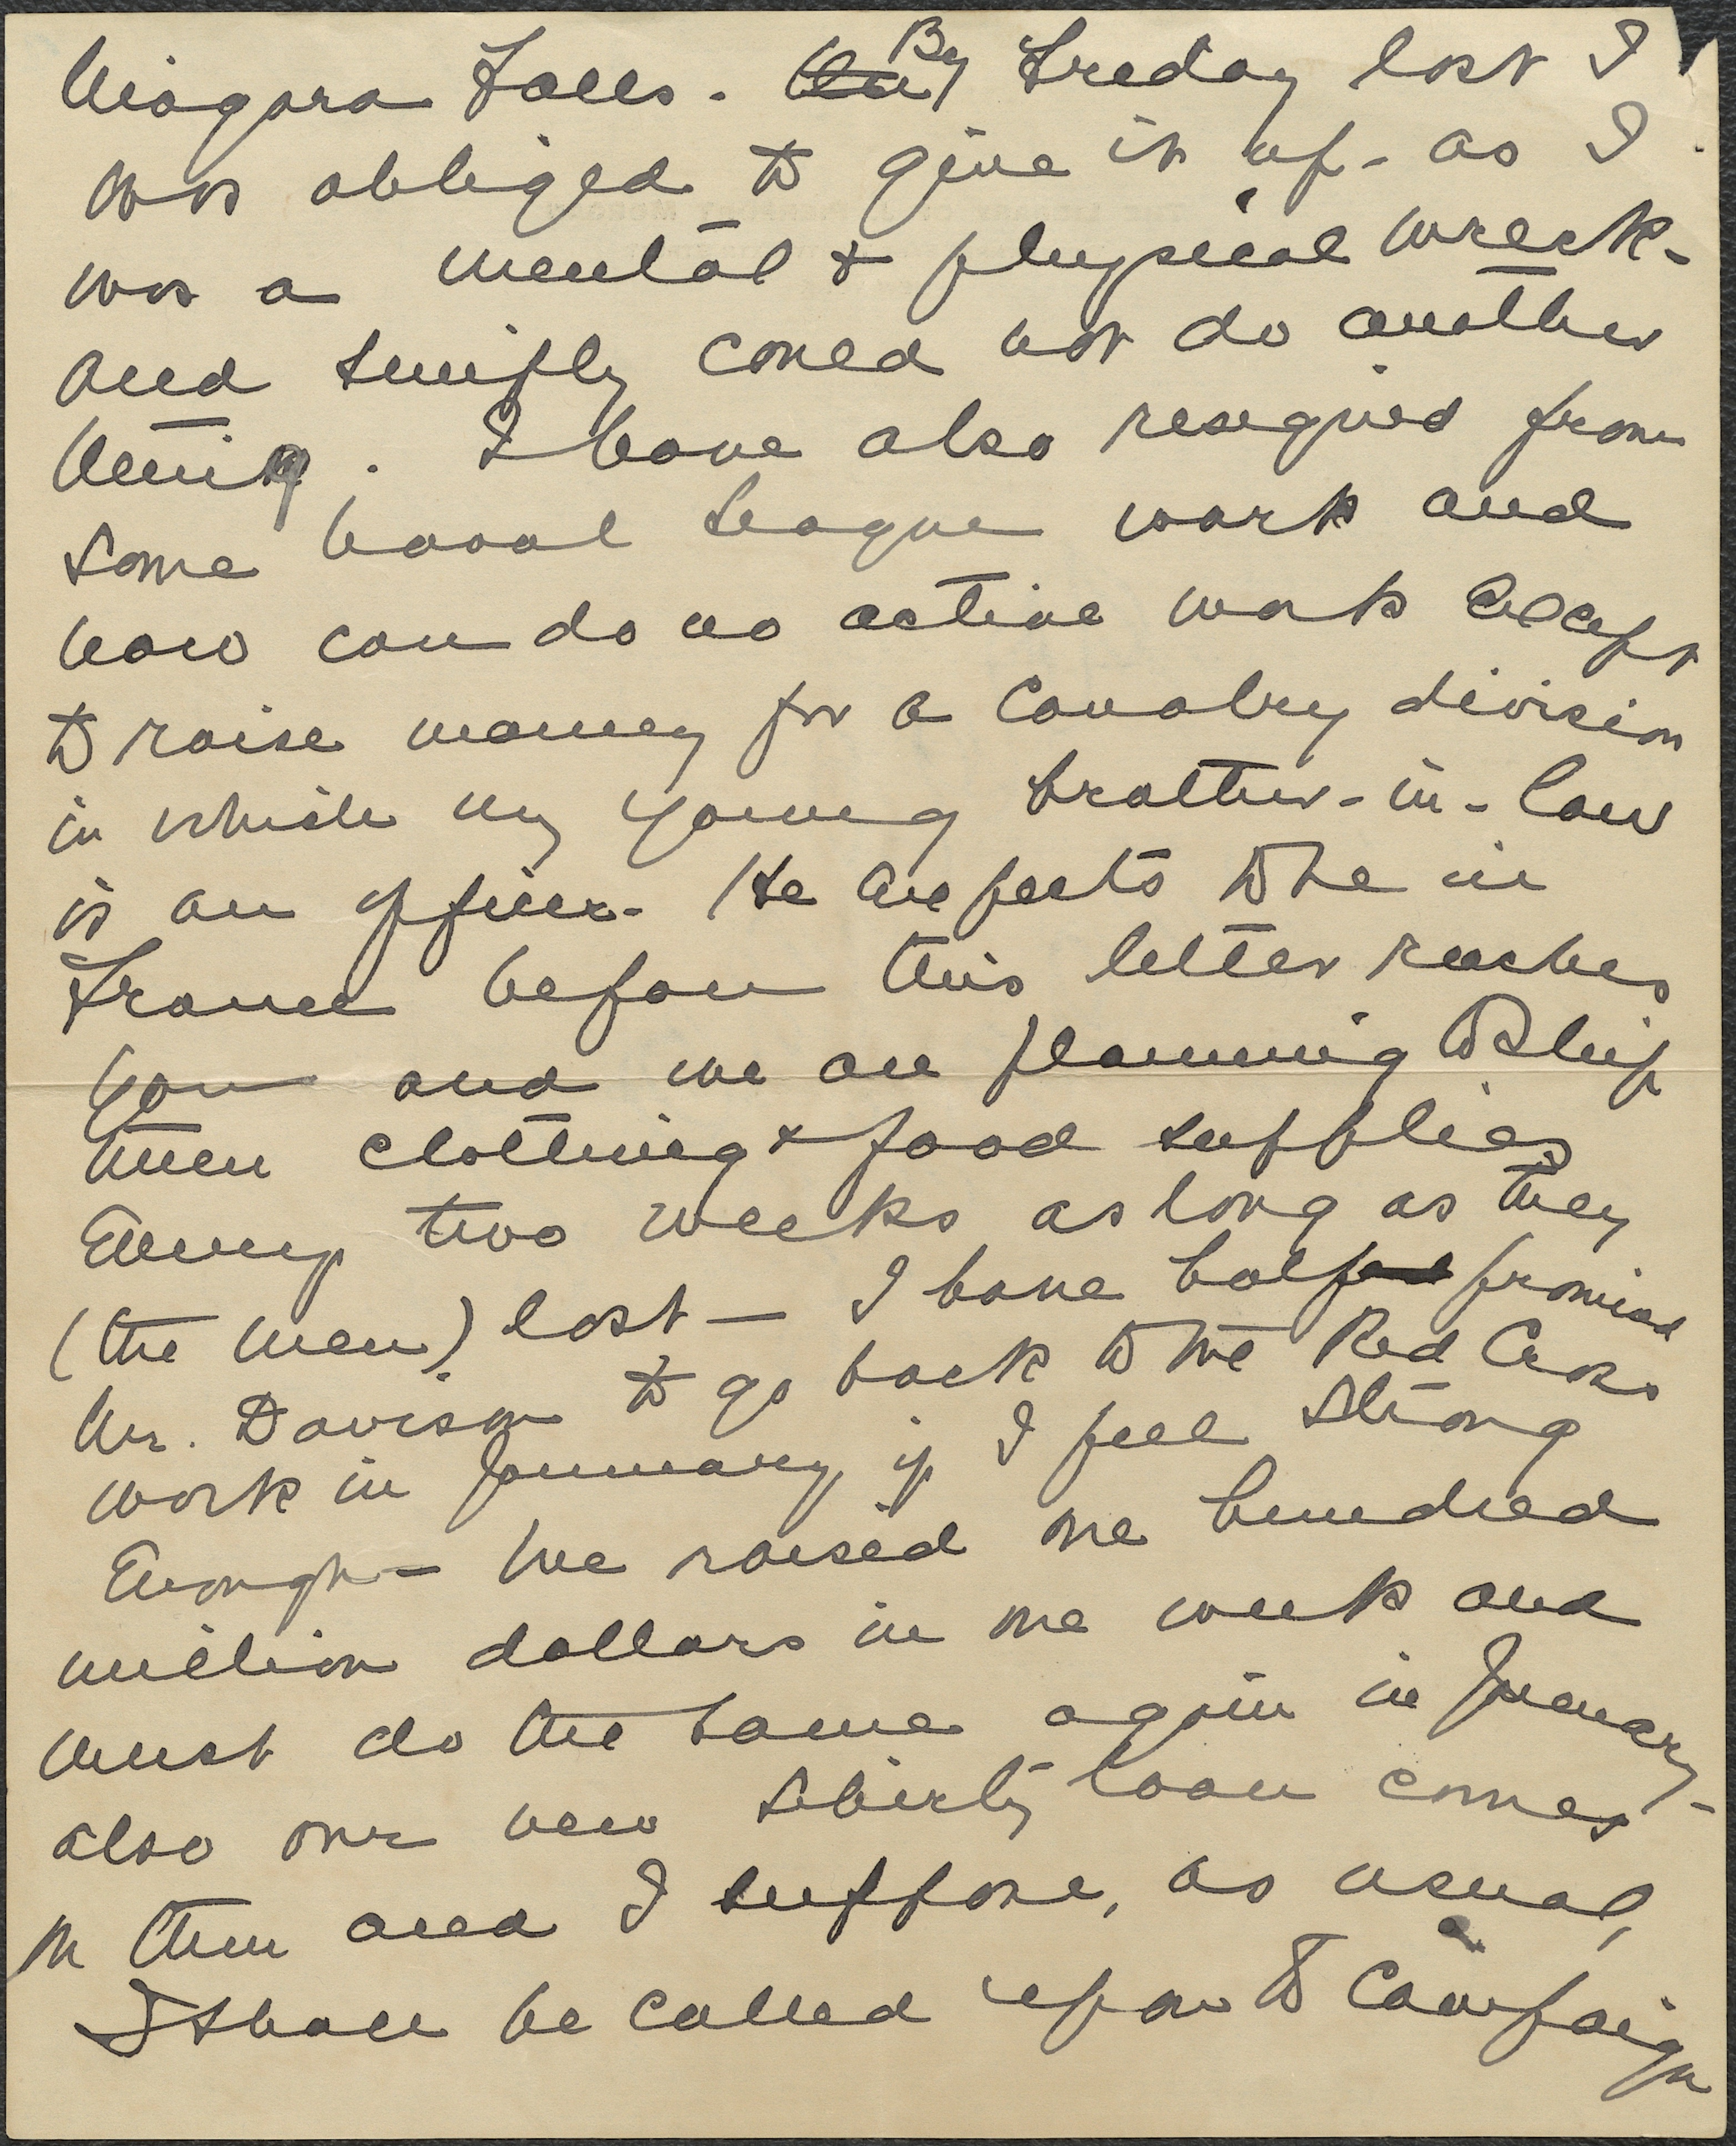Niagara Falls. On [^By^] Friday last I was obliged to give it up – as I was a mental & physical wreck – and simply could not do another thing. I have also resigned from some Naval League work and now can do no active work except to raise money for a Cavalry division in which my young brother-in-law is an officer. He expects to be in France before this letter reaches you and we are planning to ship them clothing & food supplies every two weeks as long as they (the men) last – I have halfed promised Mr. Davison to go back to the Red Cross work in January if I feel strong enough – we raised one hundred million dollars in one week and must do the same again in January – also our new Liberty loan comes in then and I suppose, as usual, I shall be called upon to campaign